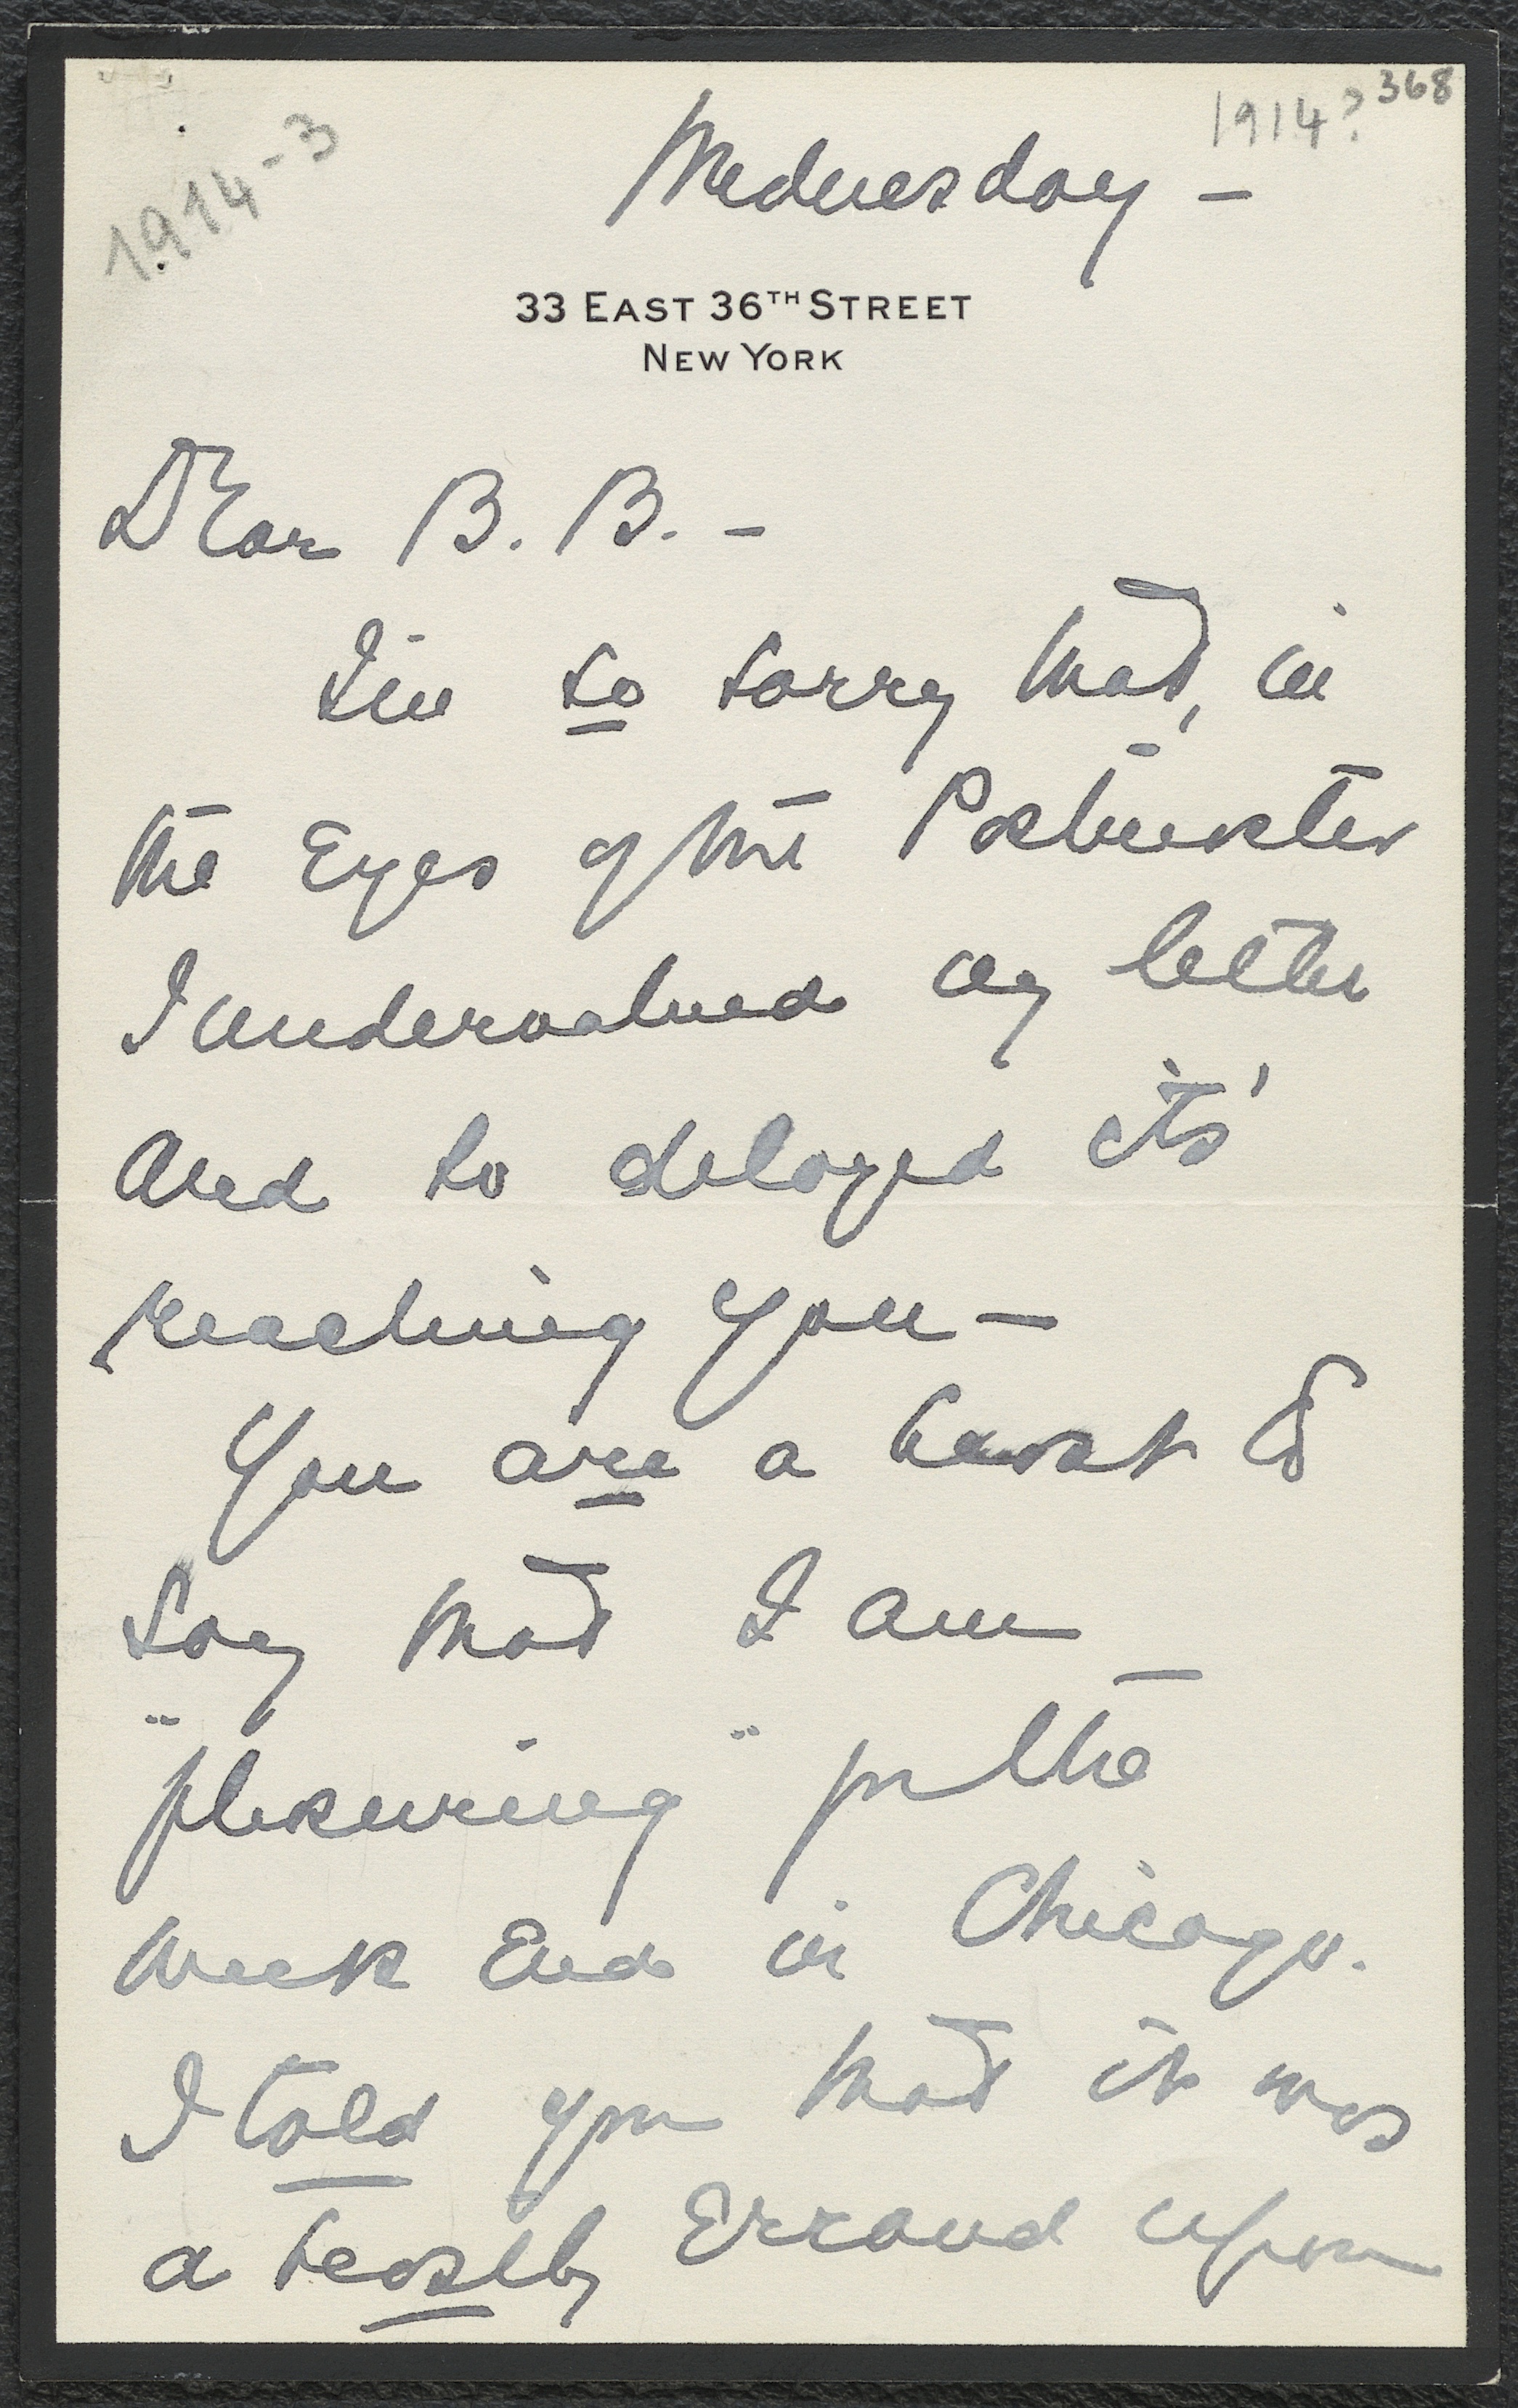Wednesday –
Dear B.B. –
I’m so sorry that in the eyes of the Postmaster I undervalued my letter and so delayed it’s [sic] reaching you –
You are a beast to say that I am “pleasuring” for the the week end in Chicago.
I told you that it was a beastly errand upon